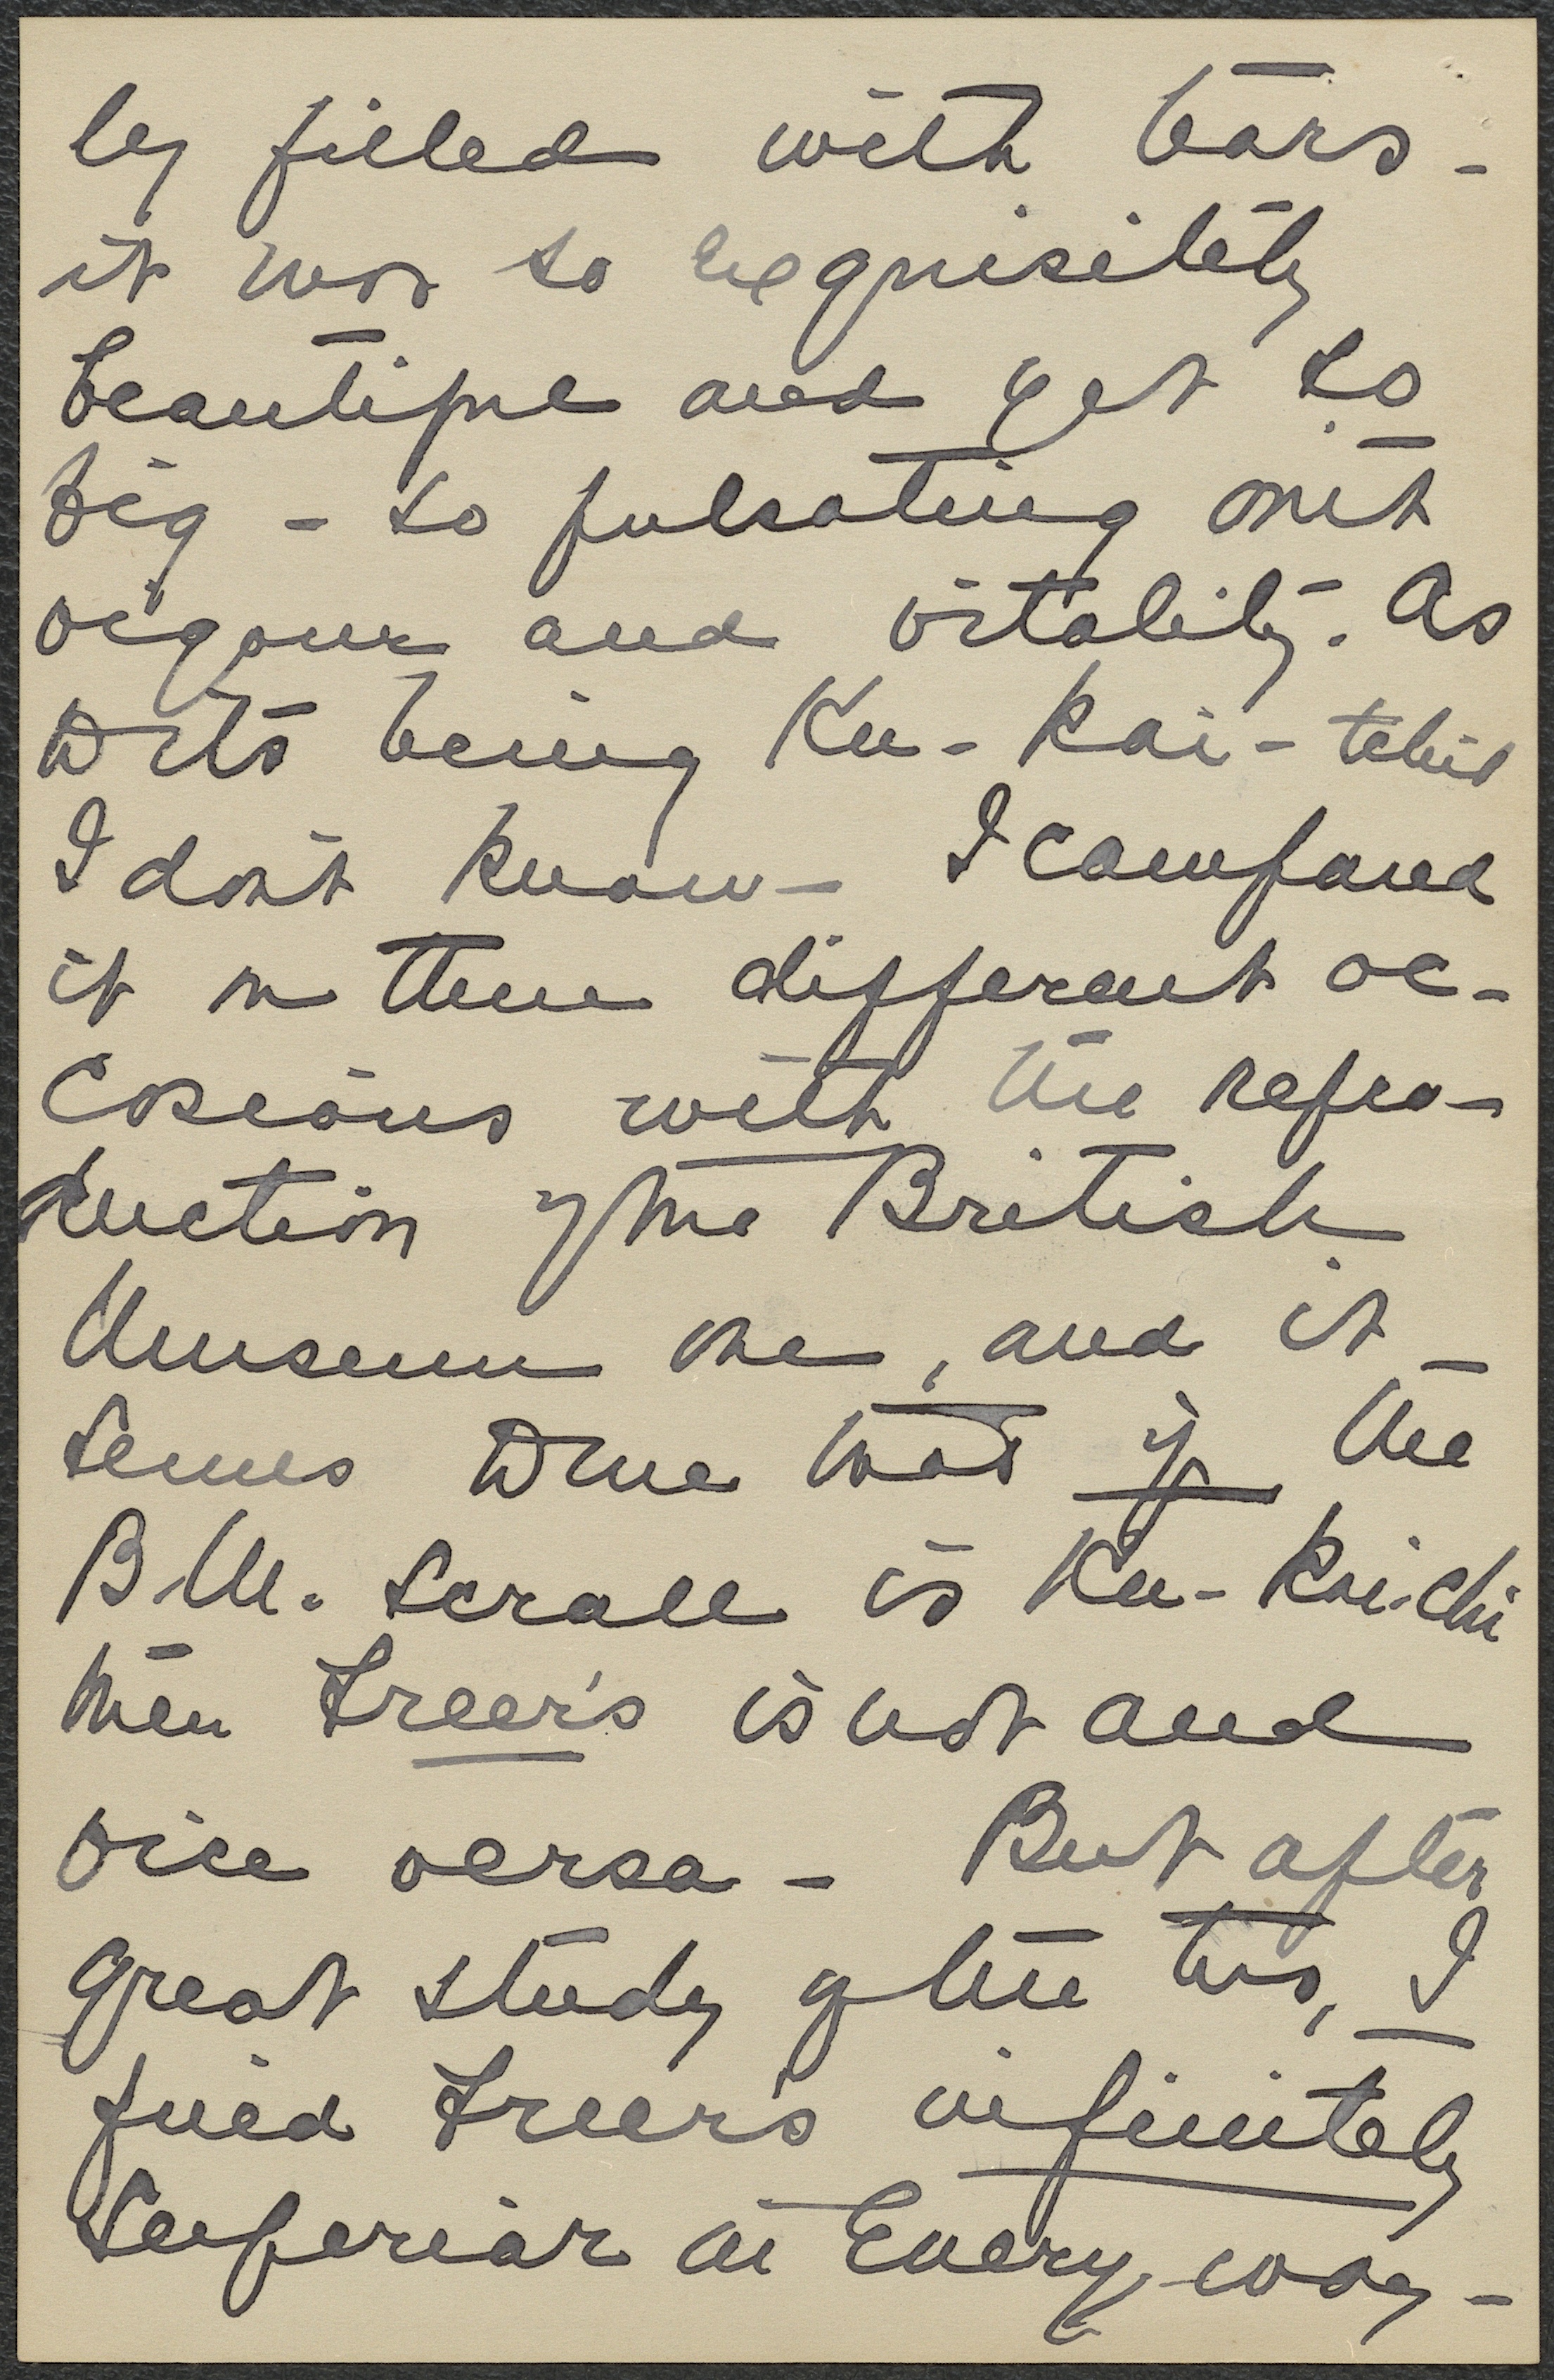ly filled with tears – it was so exquisitely beautiful and yet so big – so pulsating with vigor and vitality – as to its being Ku-kai-tchi I don’t know – I compared it on these different occasions with the reproduction of the British Museum one, and it seems to me that if the B.M. scroll is Ku-Kia-chi then Freer’s is not and vice versa – But after great study of the two, I find Freer’s infinitely superior in every way –